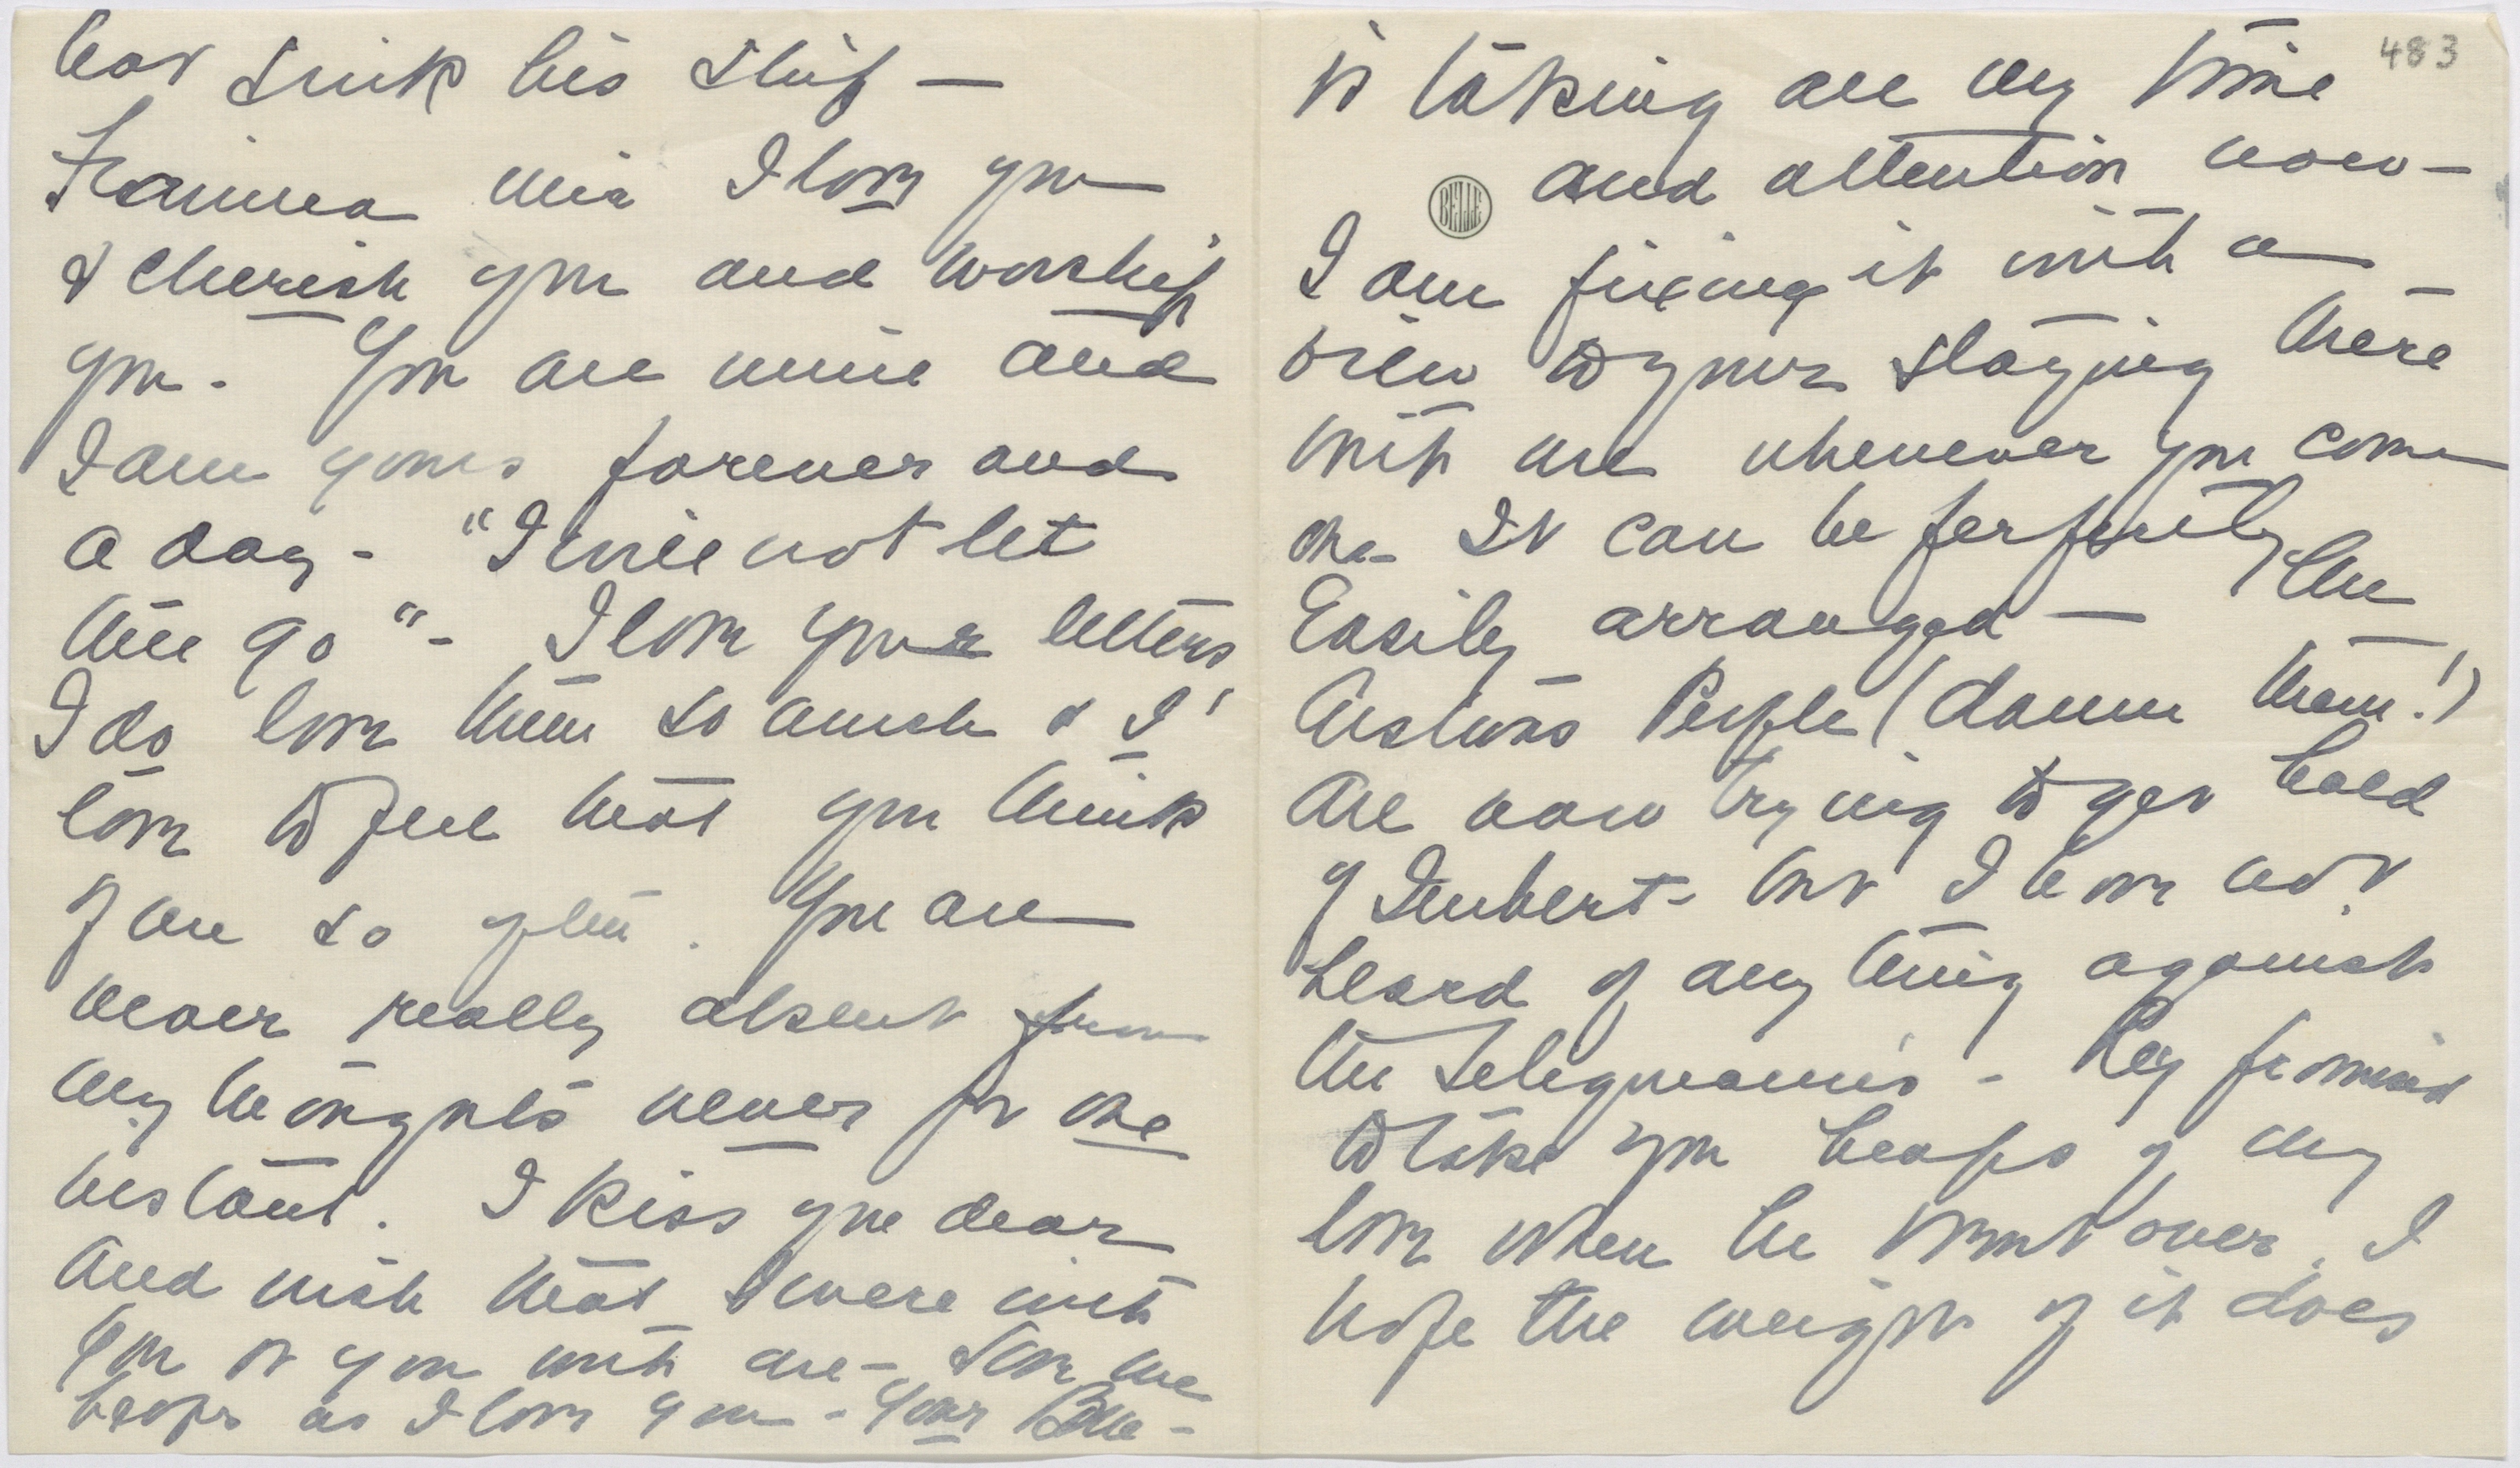is taking all my time and attention now – I am fixing it with a view to your staying there with me whenever you come out – It can be perfectly easily arranged – The Customs People (damn them!) are now trying to get hold of Imbert – but I have not heard of any thing against the Seligmann’s – Rey promised to take you heaps of my love when he went over. I hope the weight of it does
not sink his ship –
Fiamma mia I love you & cherish you and worship you. You are mine and I am yours forever and a day – “I will not let thee go” – I love your letters, I do love them so much & I love to feel that you think of me so often. You are never really absent from my thoughts never for one instant. I kiss you dear and wish that I were with you or you with me – Love me heaps as I love you – Your Belle –